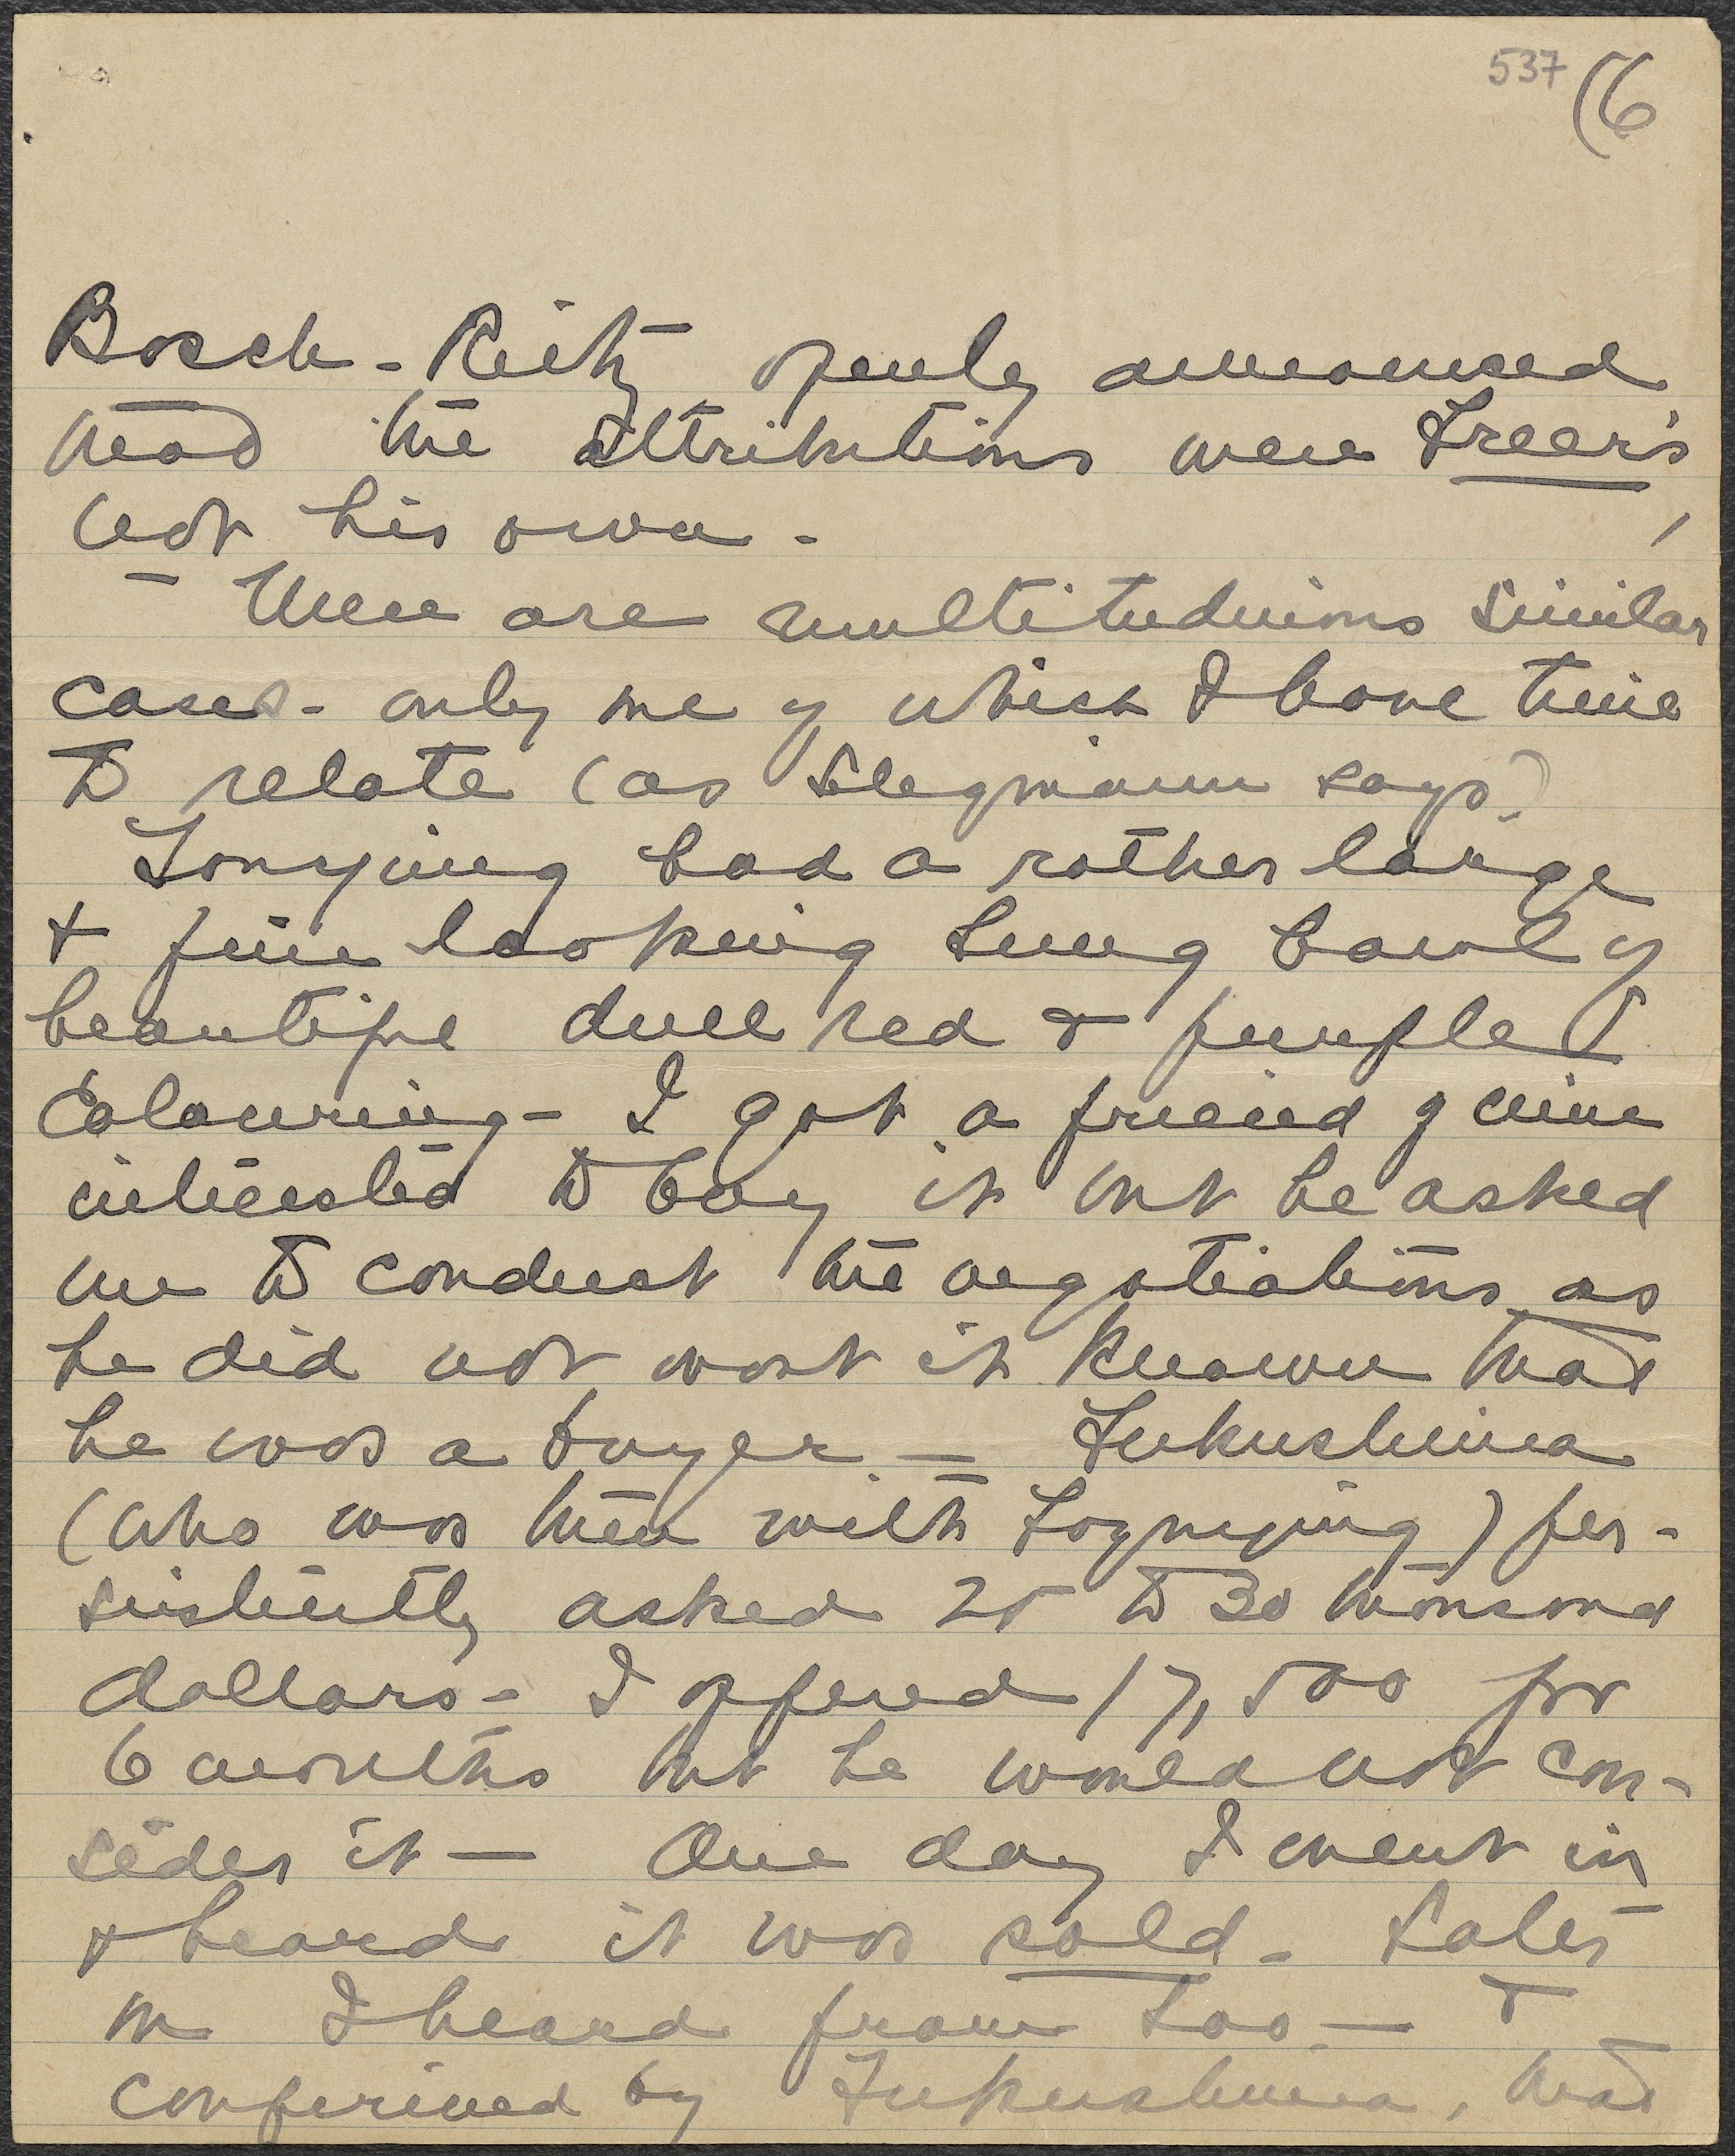Bosch-Reitz openly announced that the attributions were Freer’s, not his own –
– There are multitudinous similar cases – only one of which I have time to relate (as Seligmann says) Fonying had a rather large & fine looking Sung bowl of beautiful dull red & purple colouring – I got a friend of mine interested to buy it but he asked me to conduct the negotiations as he did not want to known that he was a buyer – Fukushima (who was then with Fonying) persistently asked 25 to 30 thousand dollars – I offered 17,500 for 6 months but he would not consider it – One day I went in & heard it was sold – Later on I heard from Loo – & confirmed by Fukushima, that